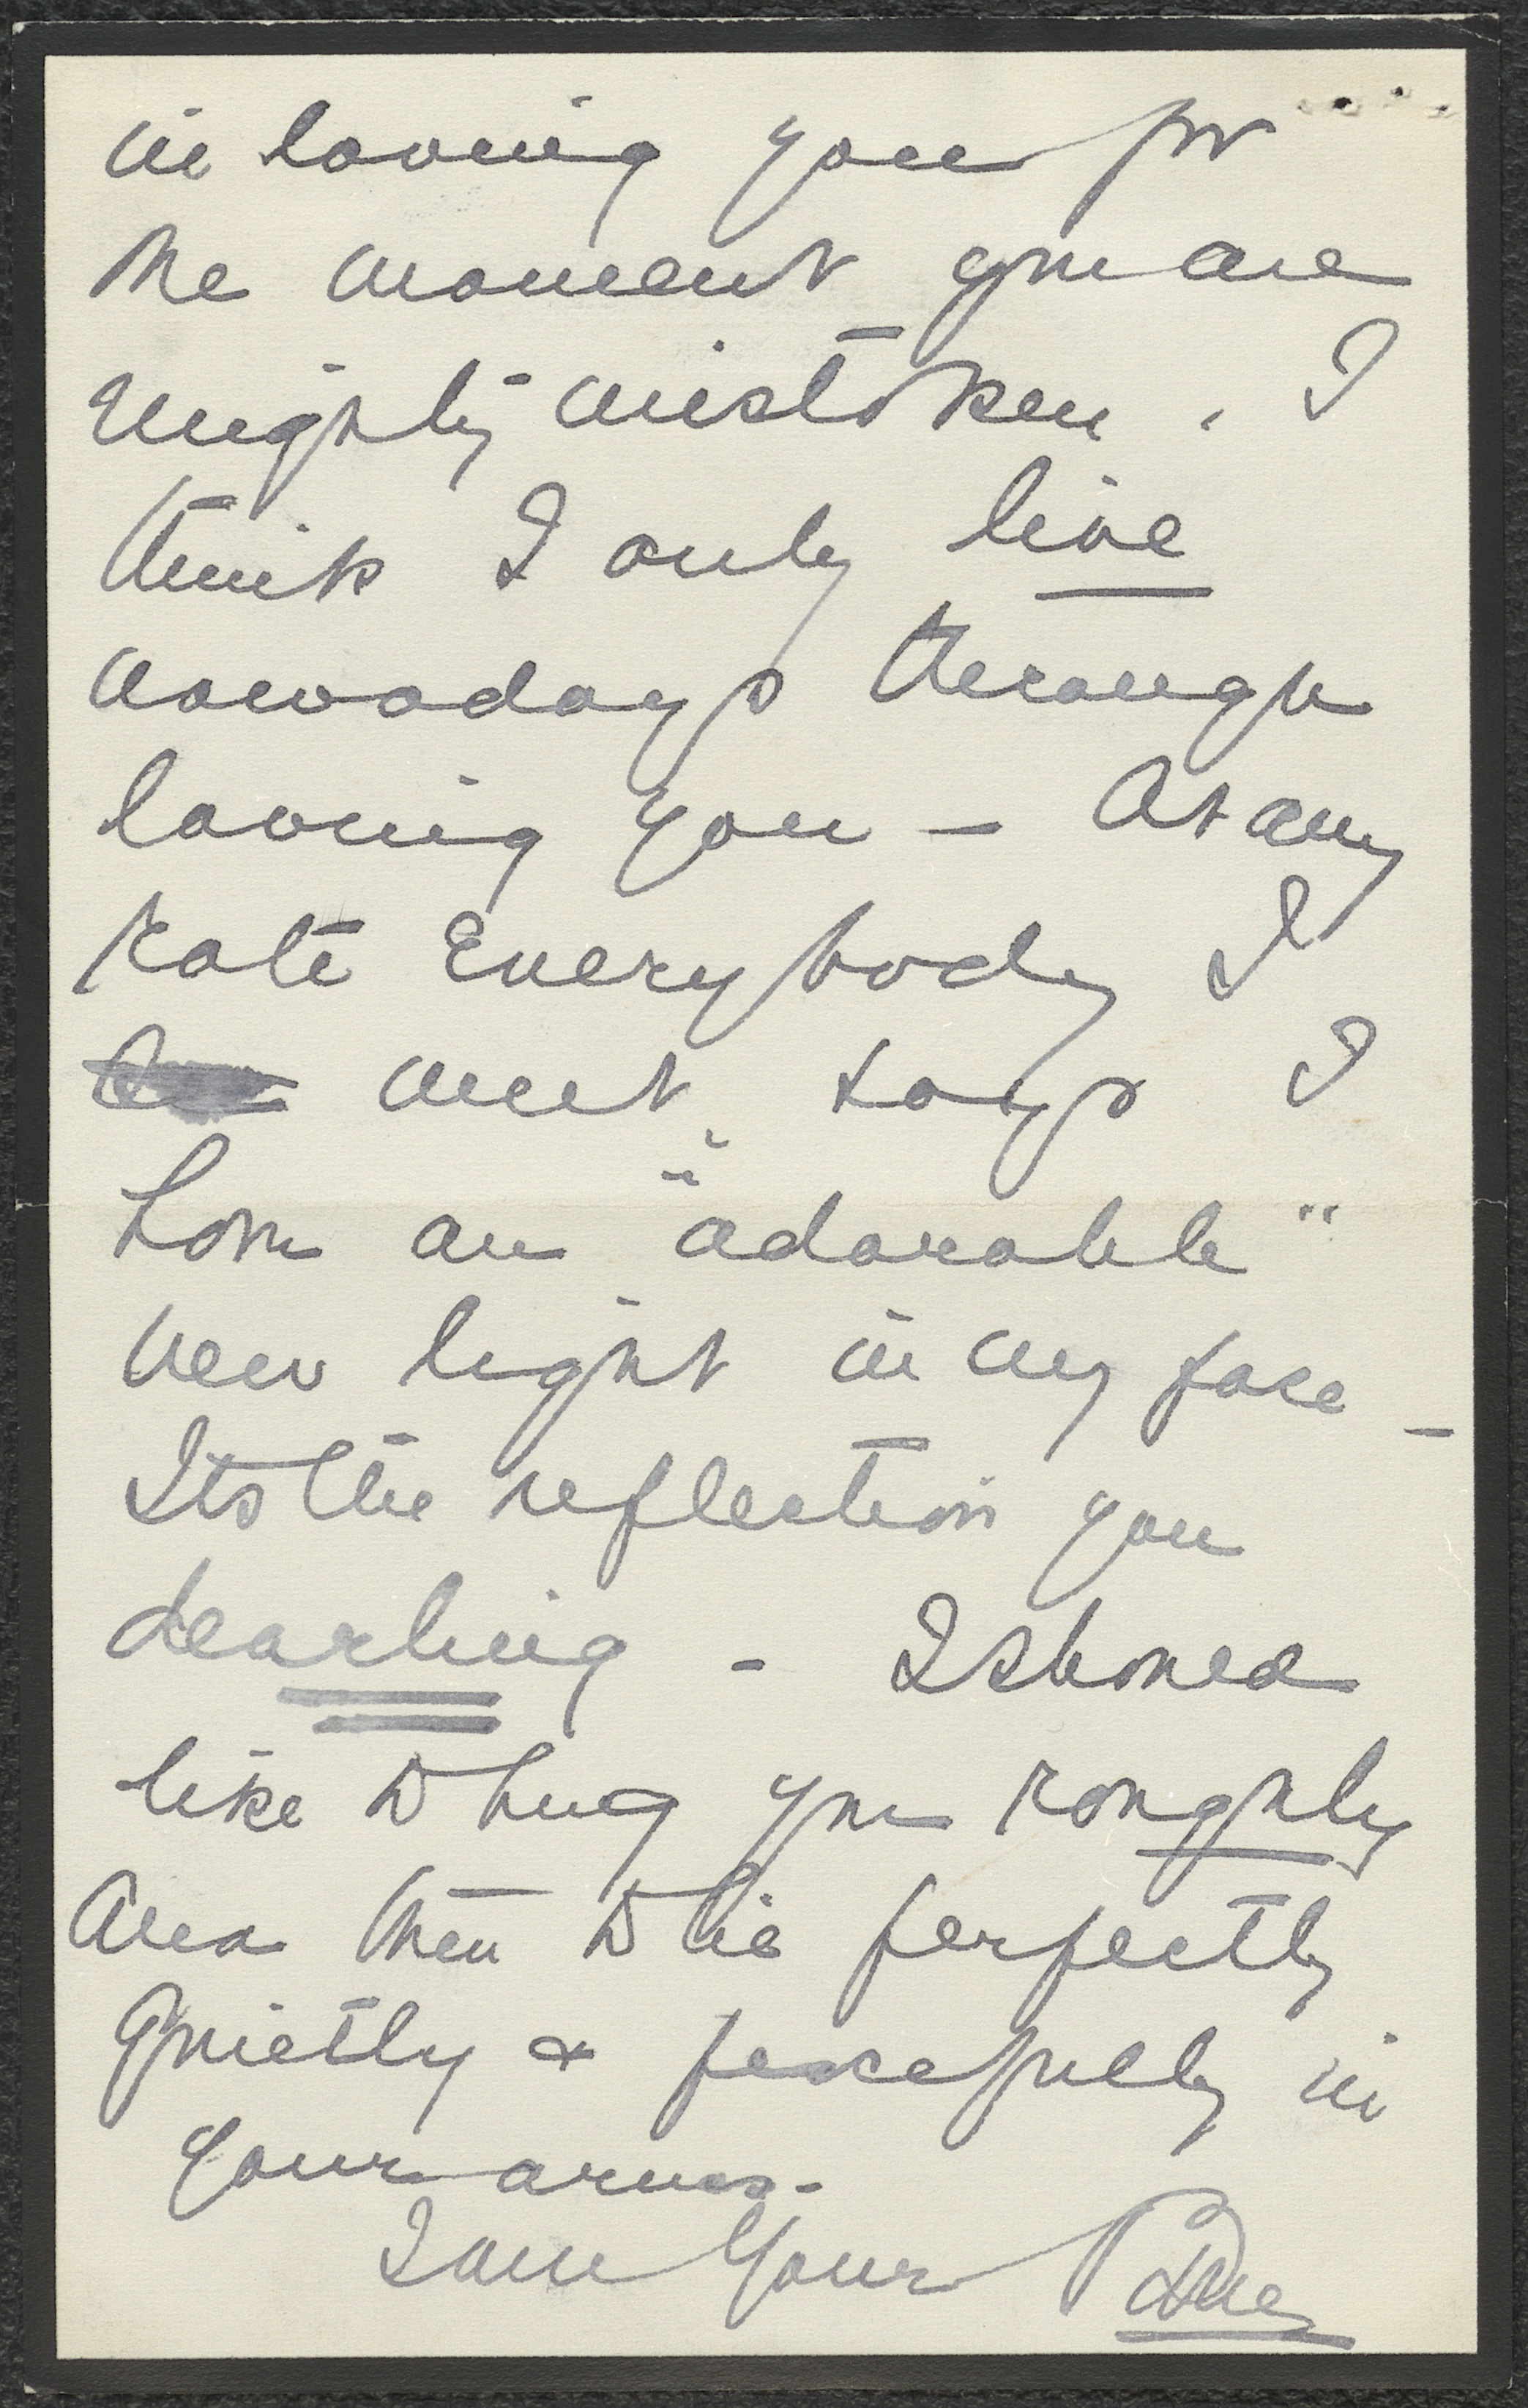in loving you for the moment you are mighty mistaken. I think I only live nowadays through loving you – at any rate everybody I [illegible deletion] meet says I have an “adorable” new light in my face – It’s the reflection you [double underlined: dearling] – I should like to hug you roughly and then to lie perfectly quietly & peacefully in your arms.
I am Your Belle